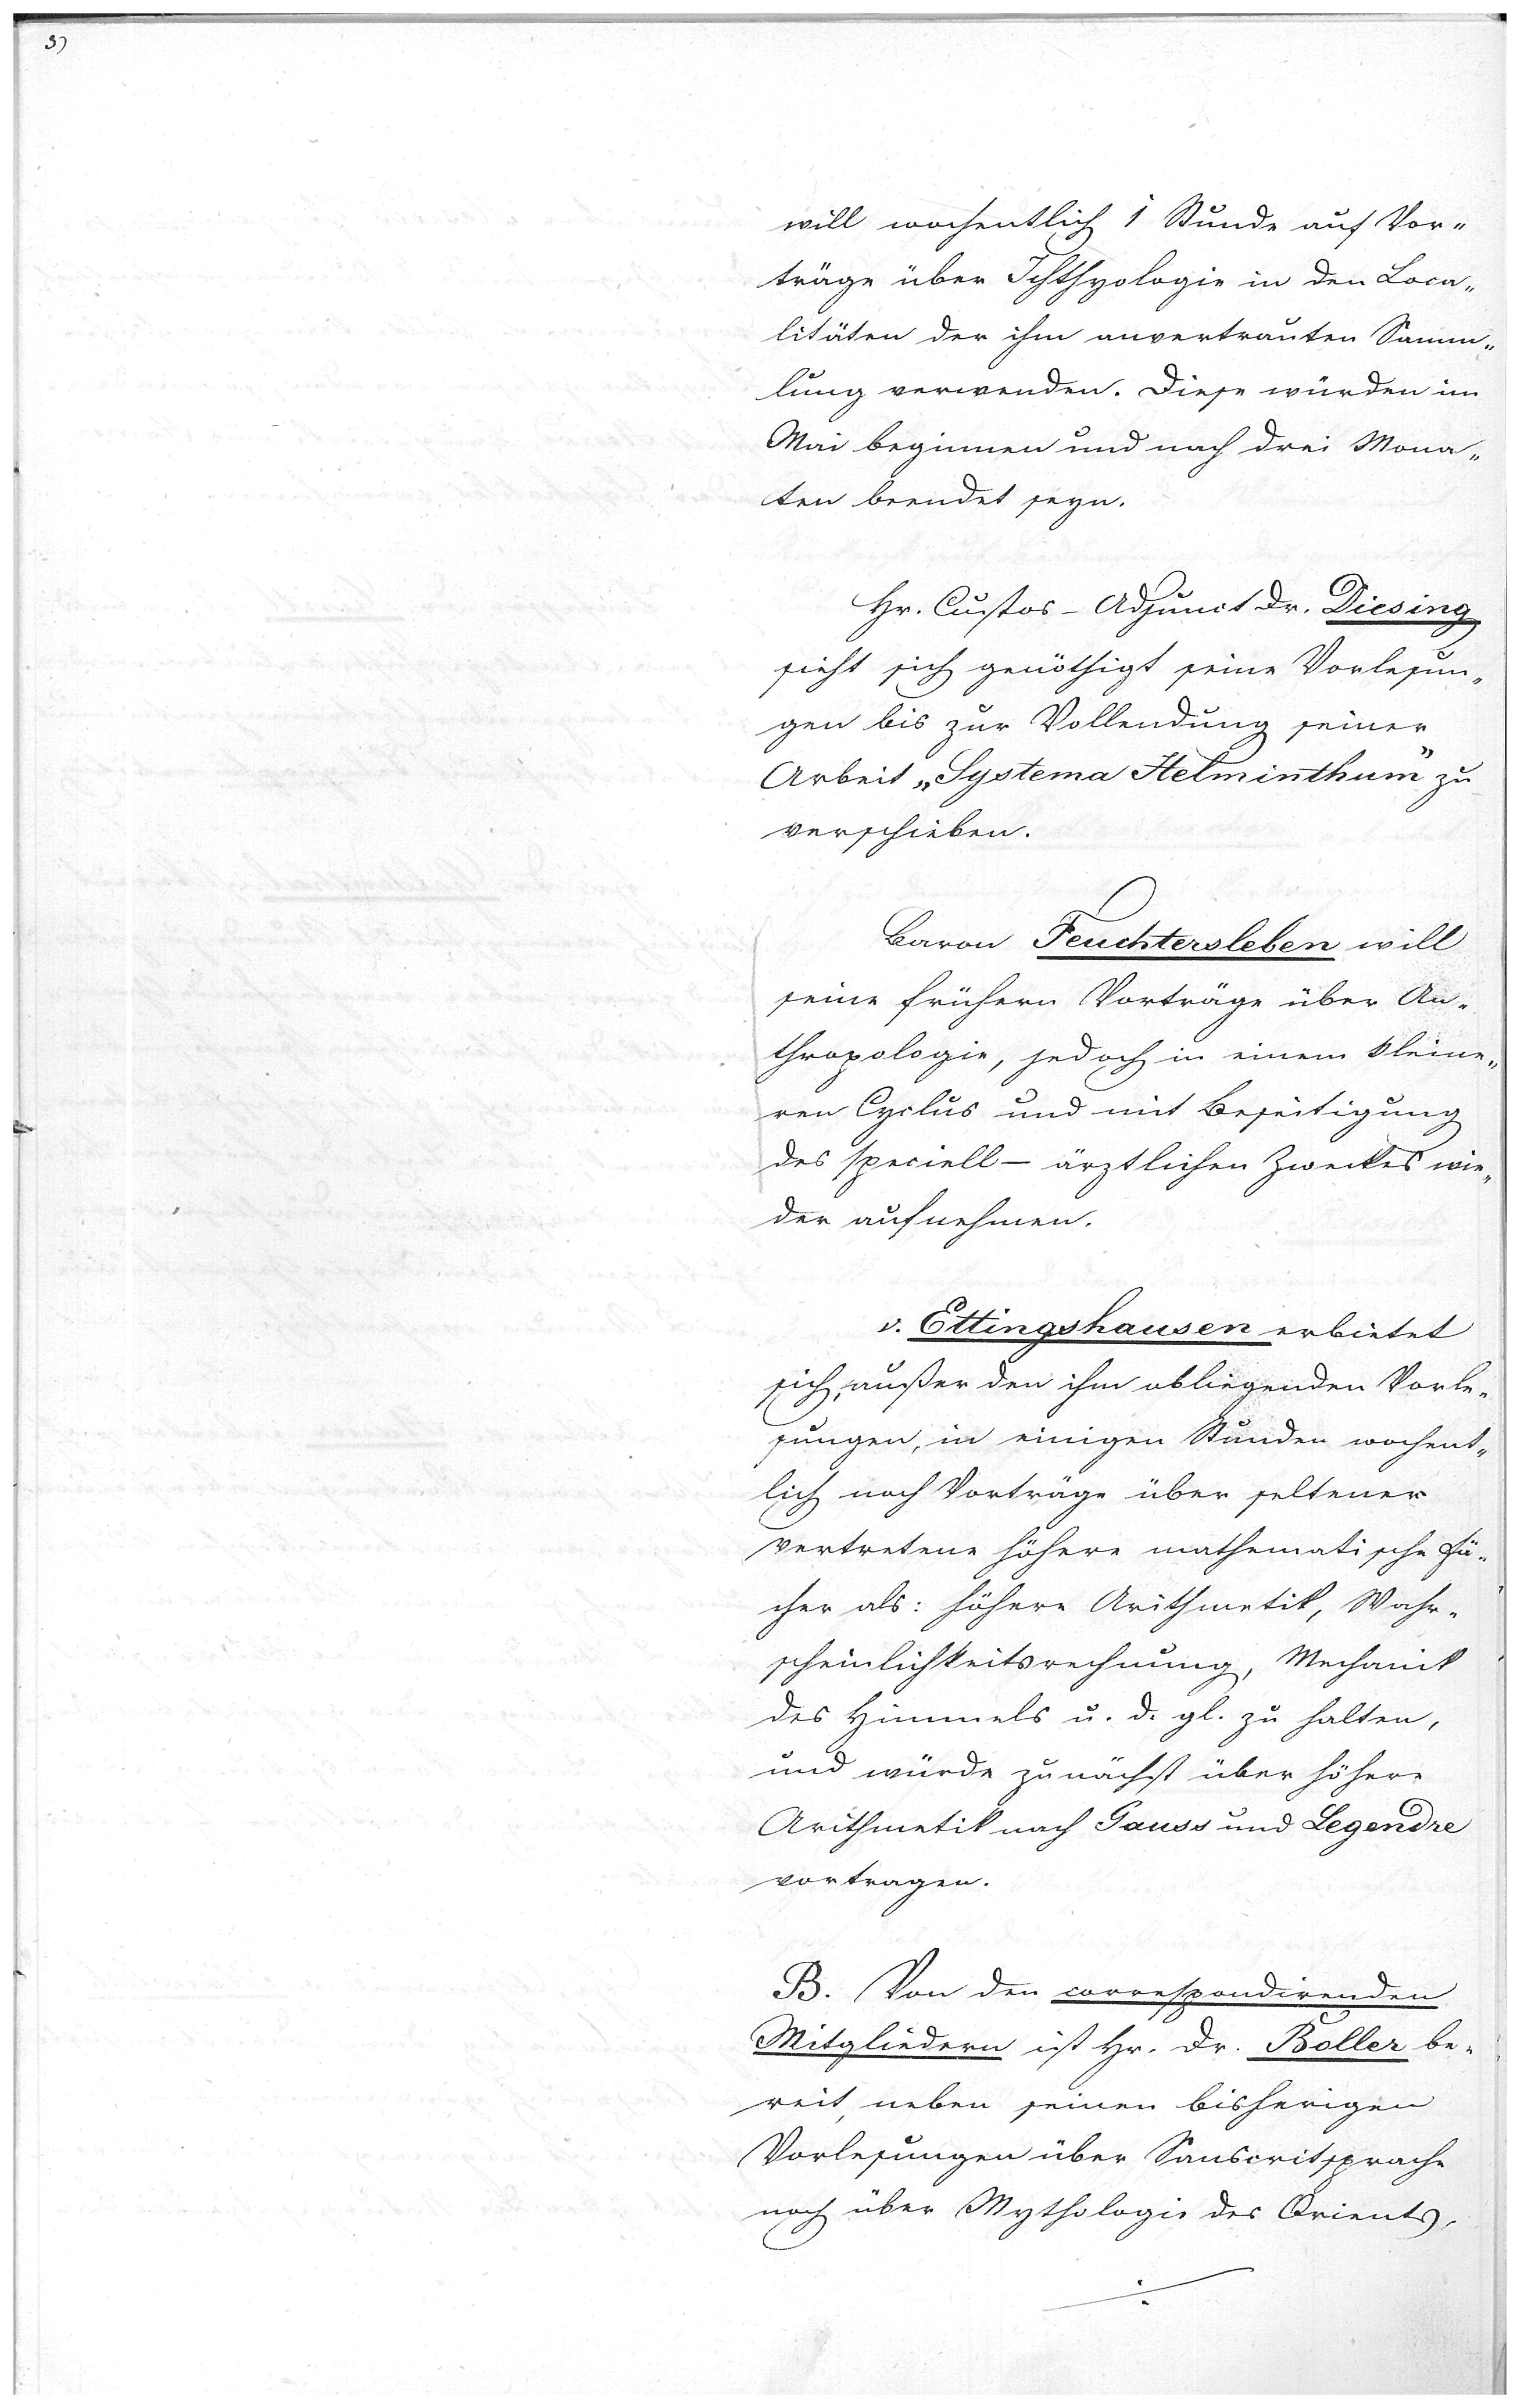will wochentlich 1 Stunde auf Vor-
träge über Ichthyologie in den Loca-
litäten der ihm anvertrauten Samm-
lung verwenden. Diese würden im
Mai beginnen und nach drei Mona-
ten beendigt seyn.
Hr. Custos-Adjunct Dr. Diesing
sieht sich genöthigt seine Vorlesun-
gen bis zur Vollendung seiner
Arbeit "Systema Helminthum" zu
verschieben.
Baron Feuchtersleben will
seine frühern Vorträge über An-
thropologie, jedoch in einem kleine-
ren Cyclus und mit Beseitigung
des speziell-ärztlichen Zweckes wie-
der aufnehmen.
v. Ettingshausen erbietet
sich, außer den ihm obliegenden Vorle-
sungen, in einigen Stunden wochent-
lich noch Vorträge über seltener
vertretene höhere mathematische Fä-
cher als höhere Arithmetik, Wahr-
scheinlichkeitsrechnng, Mechanik
des Himmels u. d. gl. zu halten,
und würde zunächst über höhere
Arithmetik nach Gauss und Legendre
vortragen.
B. Von den correspondirenden
Mitgliedern ist Hr. Dr. Boller be-
reit, neben seinen bisherigen
Vorlesungen über Sanscritsprache
noch über Mythologie des Orients,